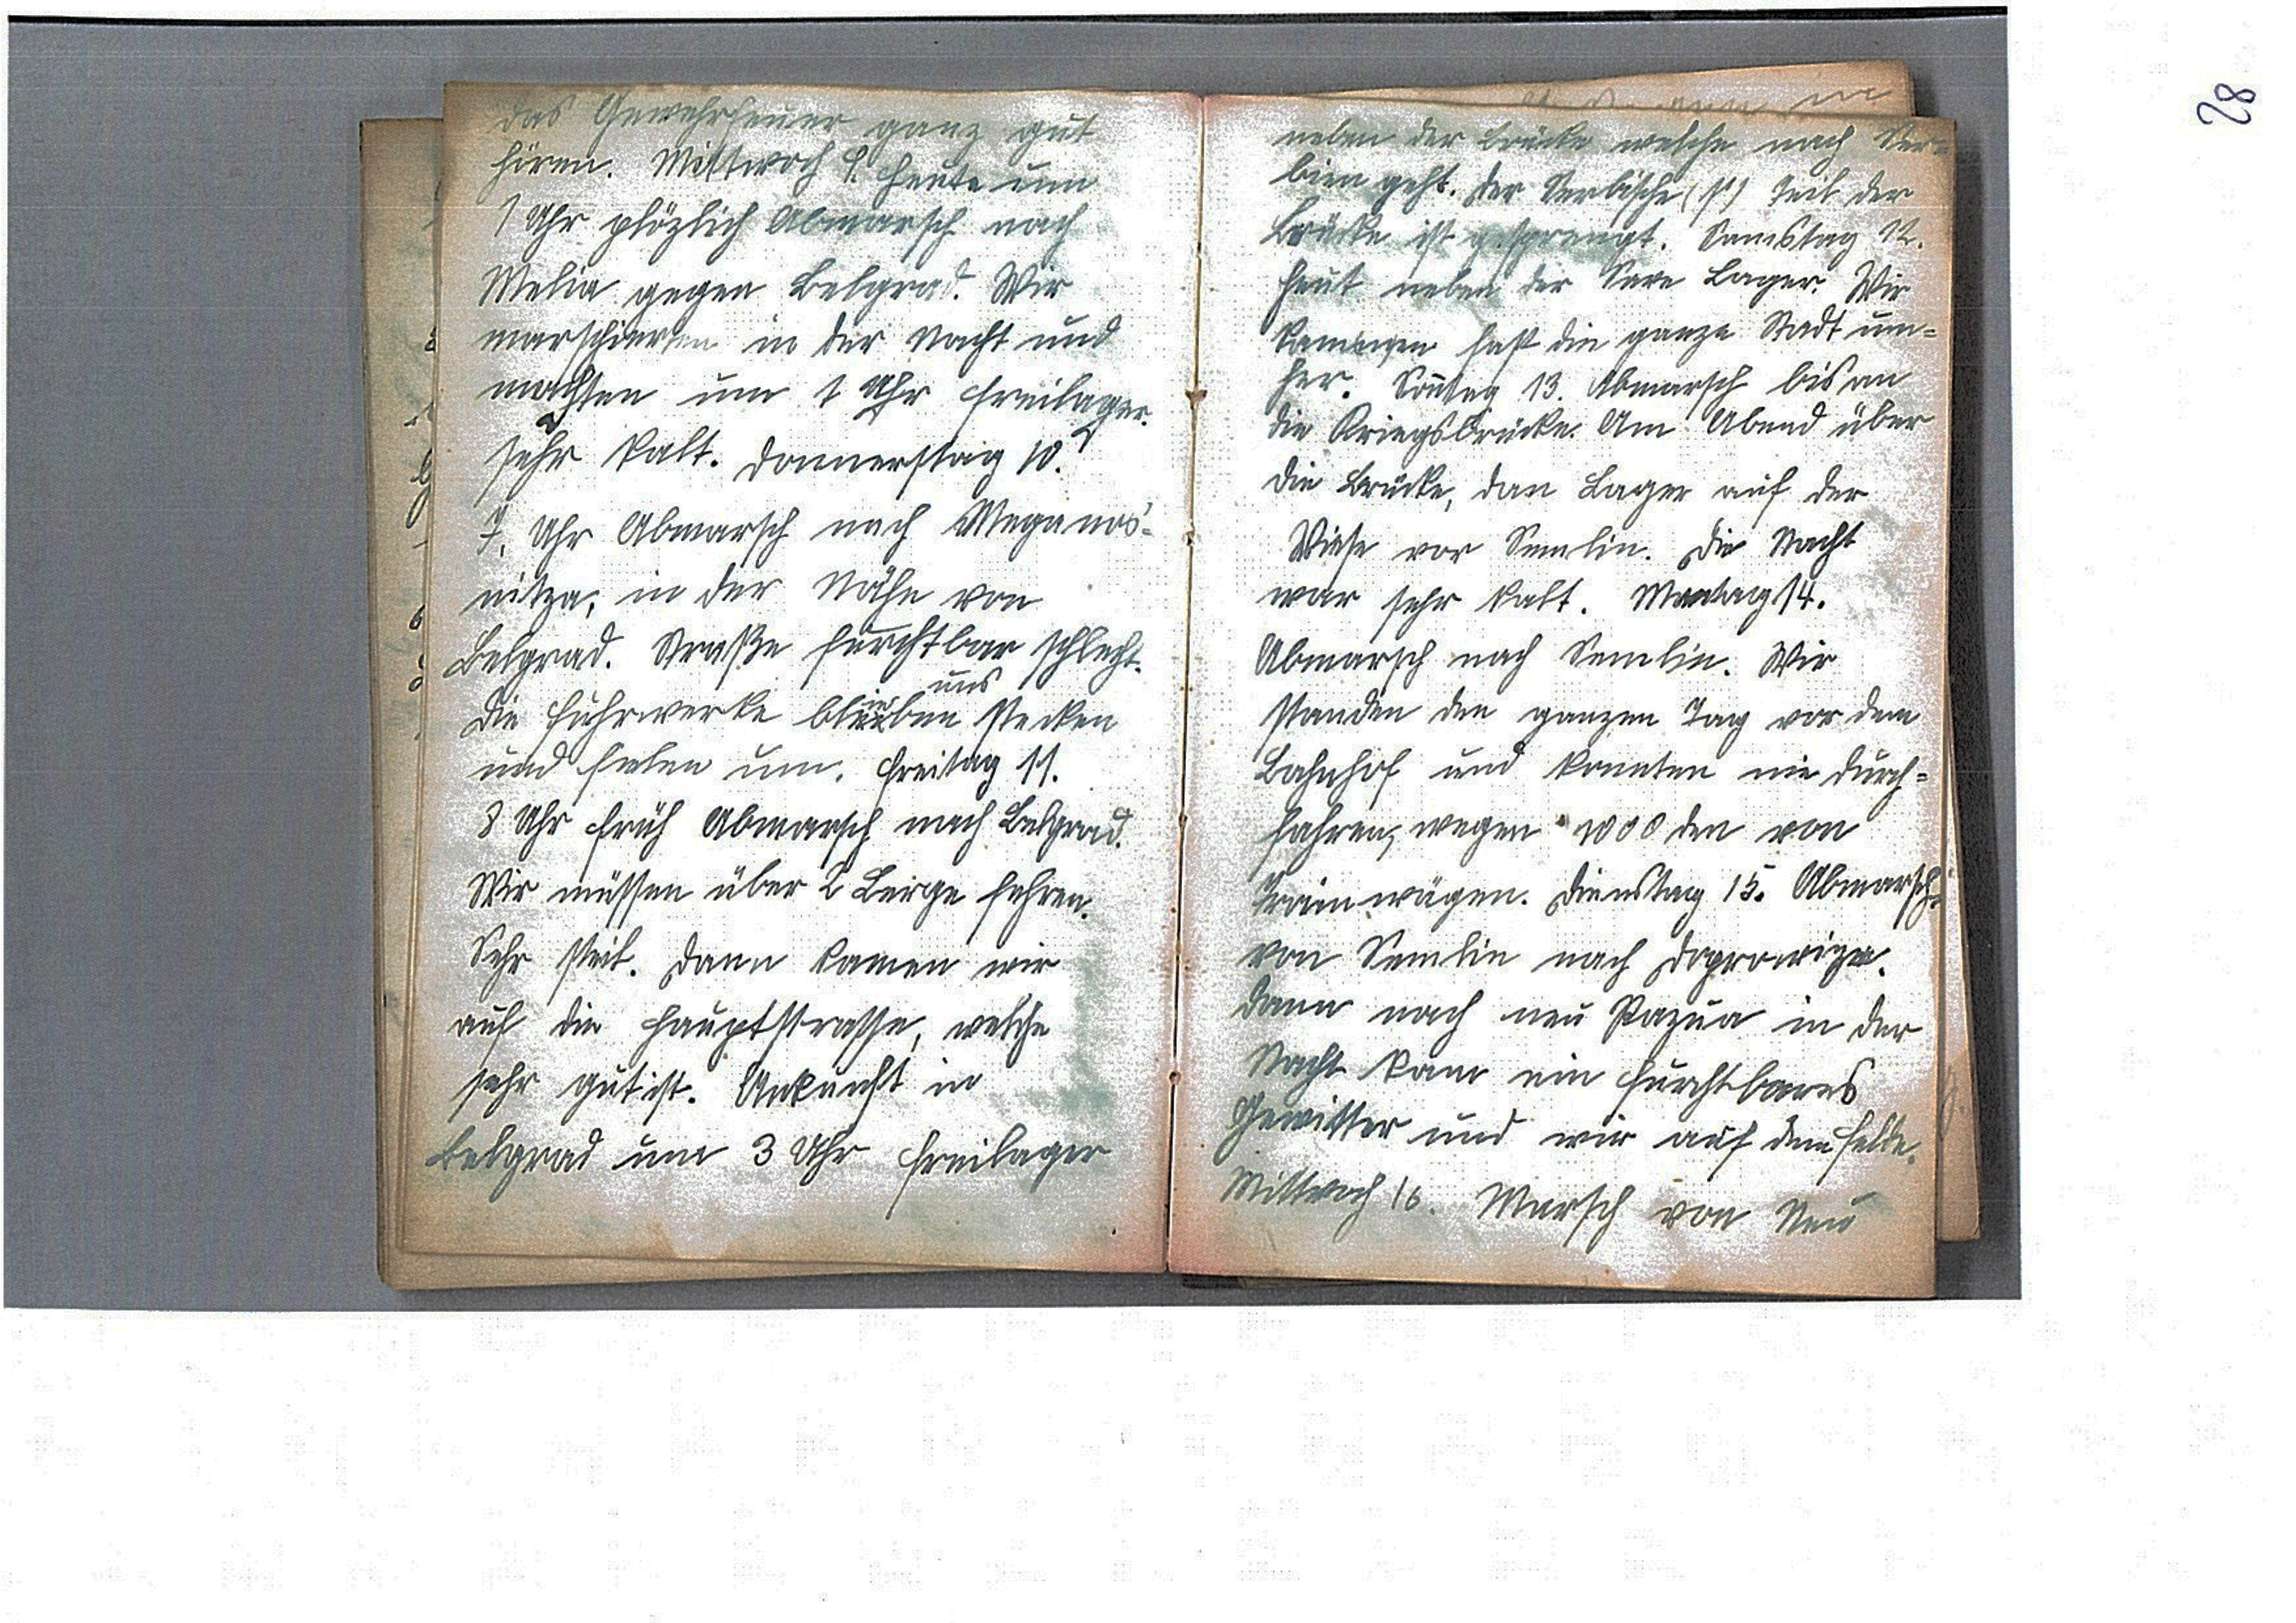das Grenzfeuer ganz gut
hören. Mittwoch 9. Heute um
1 Uhr plötzlich Abmarsch nach
Stelia gegen Belgrad. Wir
marschierten in der Nacht und
machten um 1 Uhr Freilager.
sehr kalt. Donnerstag 10.
7 Uhr Abmarsch nach Steganro-
nitza, in der Nähe von
Belgrad. Straße furchtbar schlecht.
Die Fuhrwerke blieben uns stecken
und fielen um. Freitag 11.
8 Uhr früh Abmarsch nach Belgrad.
Wir müssten über zwei Berge fahren.
Sehr steil. Dann kamen wir
auf die Hauptstrasse, welche
sehr gut ist. Ankunft in
Belgrad um 3 Uhr Freilager
neben der Brücke welche nach Ser-
bien geht. Der serbische (S) teil der
Brücke ist gesprengt. Samstag 12.
heut neben der Save Lager. Wir
kommen fast die ganze Nacht um-
her. Sonntag 13. Abmarsch bis an
die Kriegsbrücke. Am Abend über
die Brücke, dan Lagern auf der
Wiese vor Semlin. Die Nacht
war sehr kalt. Montag 14.
Abmarsch nach Semlin. Wir
standen den ganzen Tag vor dem
Bahnhof und konnten nie durch-
fahren, wegen 1000en von
Trainwägen. Dienstag 15. Abmarsch
von Semlin nach Irgorwitz.
Dann nach xx Pazeia in der
Nacht kam ein furchtbares
Gewitter und wir auf dem Felde
Mittwoch 16. Marsch von Nähe